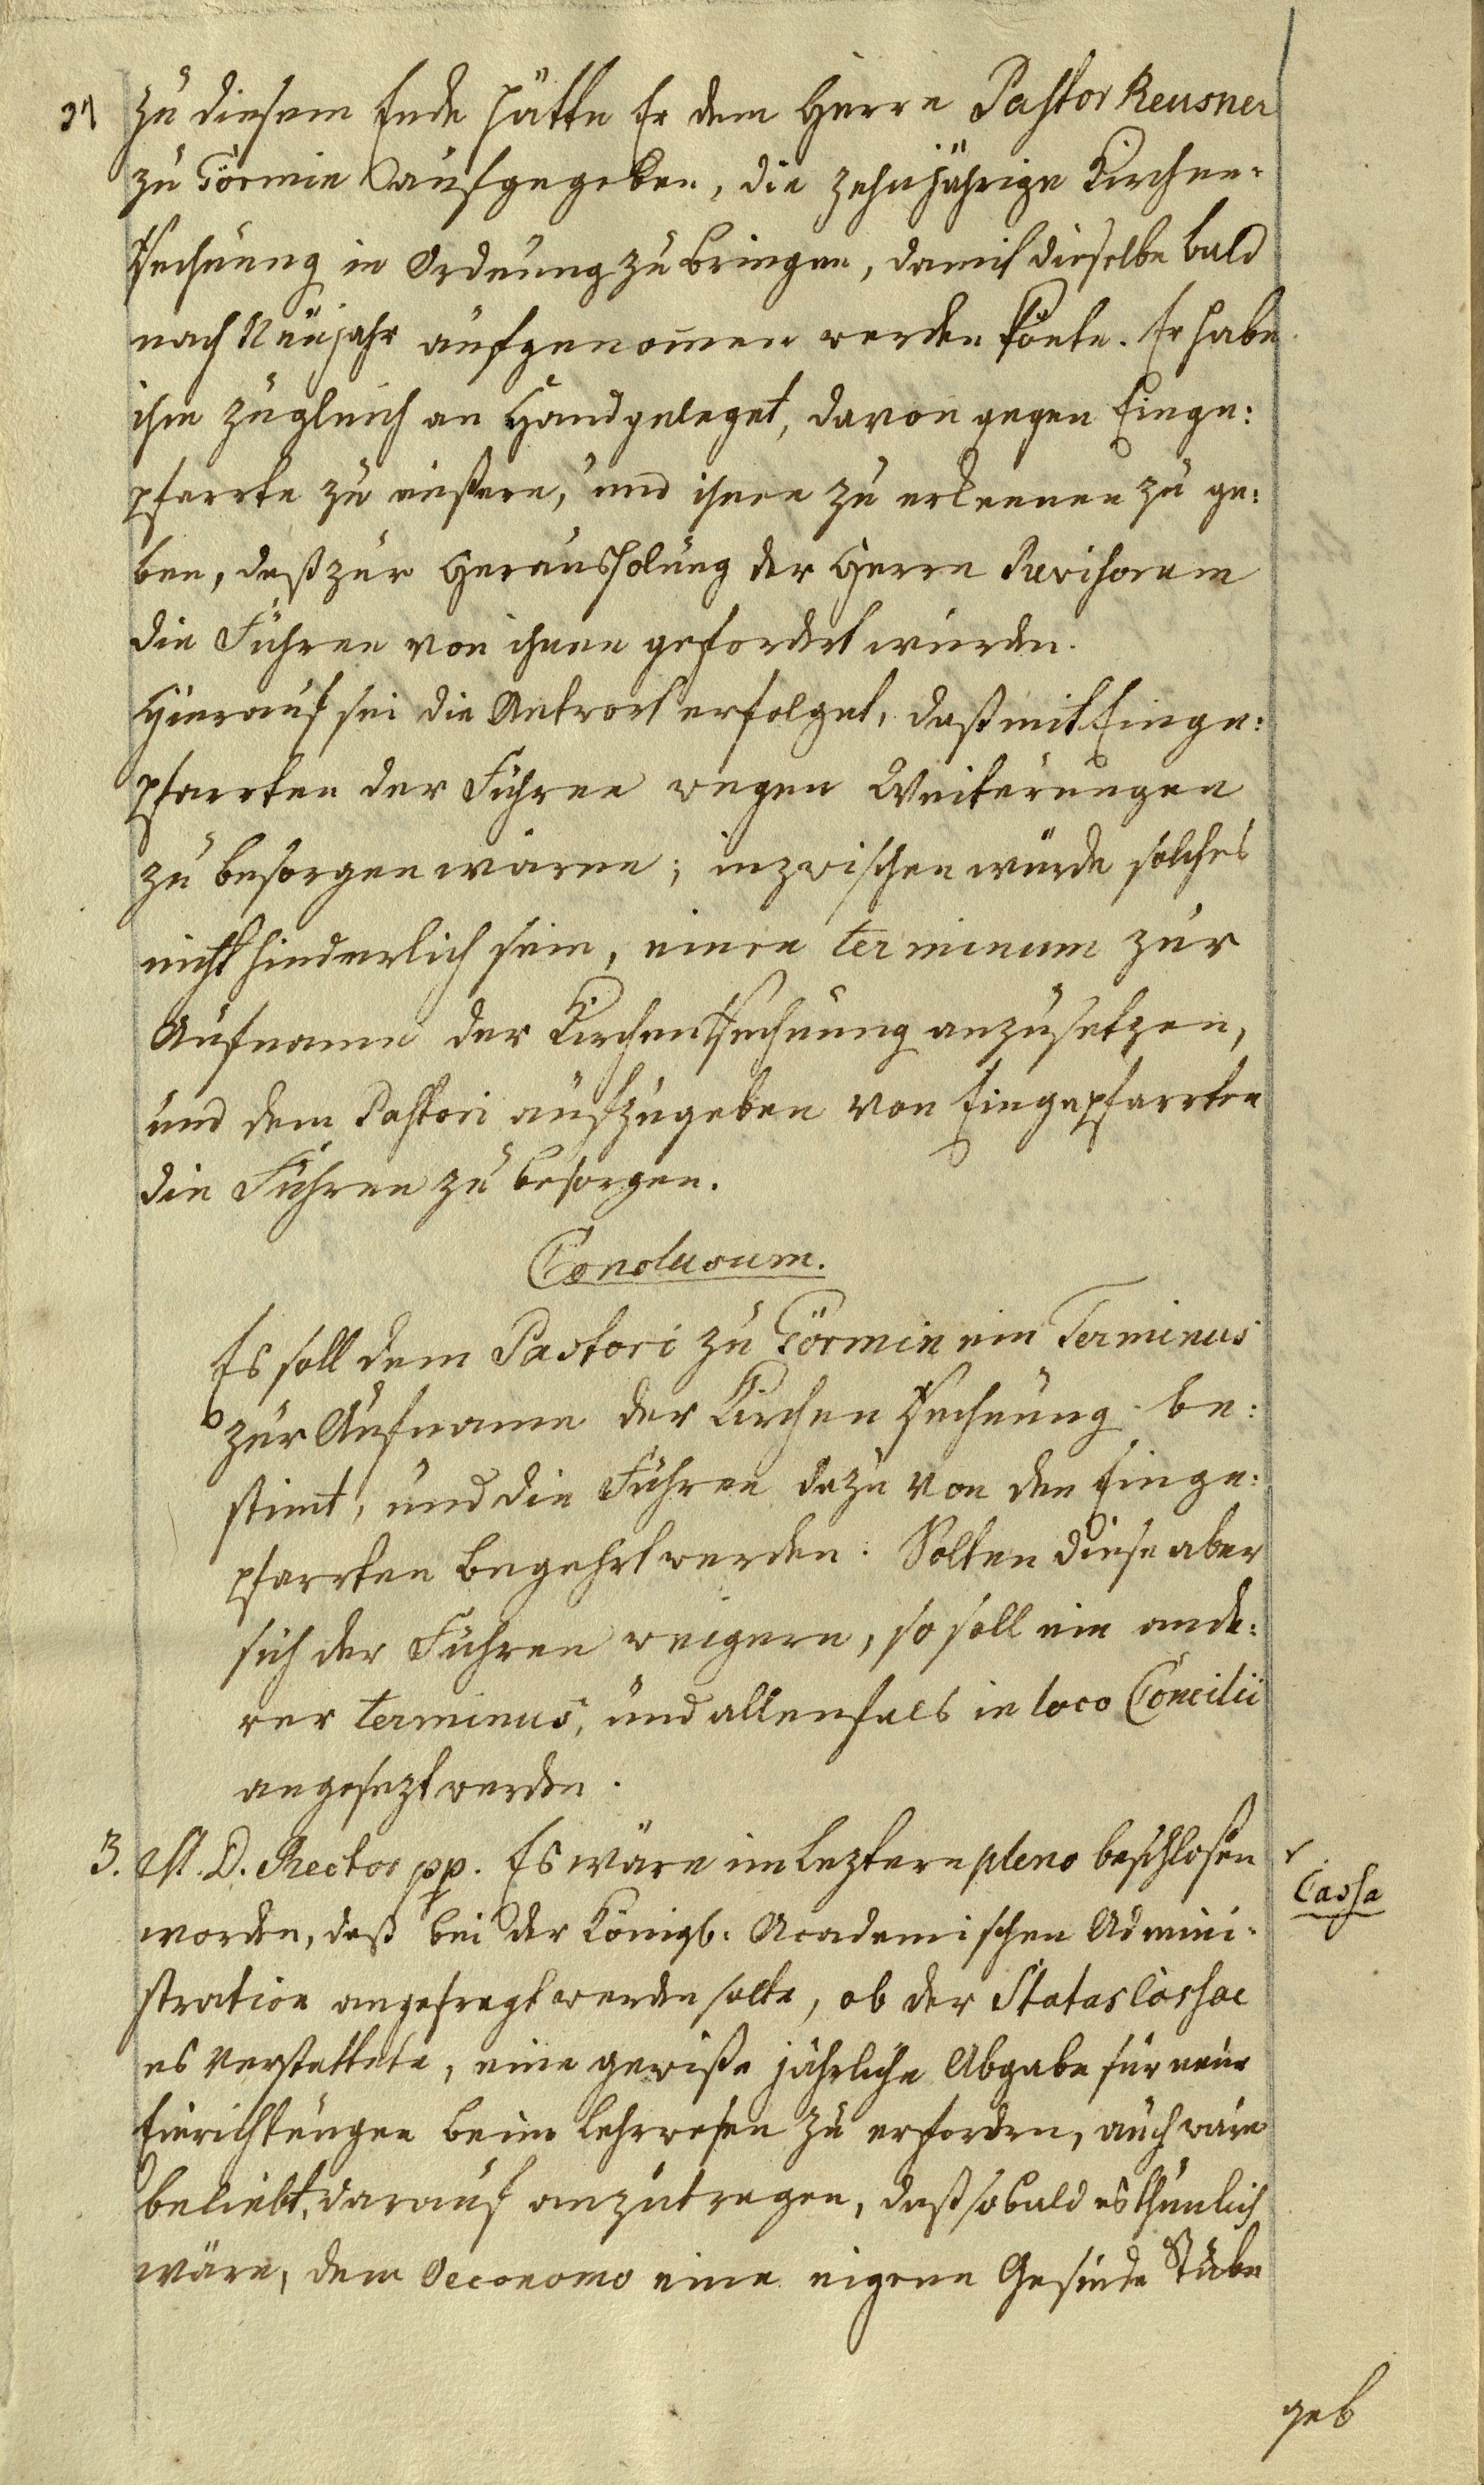Zu diesem Ende hätte Er dem Herrn dem Pastor Reusner
zu Görmin aufgegeben, die zehnjährige Kirchen¬
Rechnung in Ordnung zu bringen, damit dieselbe bald
nach Neujahr aufgenomen werden könte. Er habe
ihm zugleich an Hand geleget, davon gegen Einge¬
pfarrte zu äußern, und ihnen zu erkennen zu ge¬
ben, daß zur Herausholung der Herrn Revisorum
die Fuhren von ihnen gefordert würden.
Hierauf sei die Antwort erfolget, daß mit Einge¬
pfarrten der Fuhren wegen Weiterungen
zu besorgen wären; inzwischen würde solches
nicht hinderlich sein, einen terminum zur
Aufname der Kirchen Rechnung anzusetzen,
und dem Pastori aufzugeben von Eingepfarrten
die Fuhren zu besorgen.
Conclusum.
Es soll dem Pastori zu Görmin ein Terminus
zur Aufname der Kirchen Rechnung be¬
stimt, und die Fuhren dazu von den Einge¬
pfarrten begehrt werden. Solten diese aber
sich der Fuhren weigern, so soll ein ande¬
rer terminus, und allenfals in loco Concilii
angesezt werden.
3. M. D. Rector pp. Es wäre im leztern pleno beschloßen
worden, daß bei der Königl. Academischen Admini¬
stration angefragt werden solte, ob der Status Cassae
es verstattete, eine gewiße jährliche Abgabe für neue
Einrichtungen beim Lehrwesen zu erfordern, auch wäre
beliebt, darauf anzutragen, daß sobald es thunlich
wäre, dem Oeconomo eine eigene Gesinde Stube